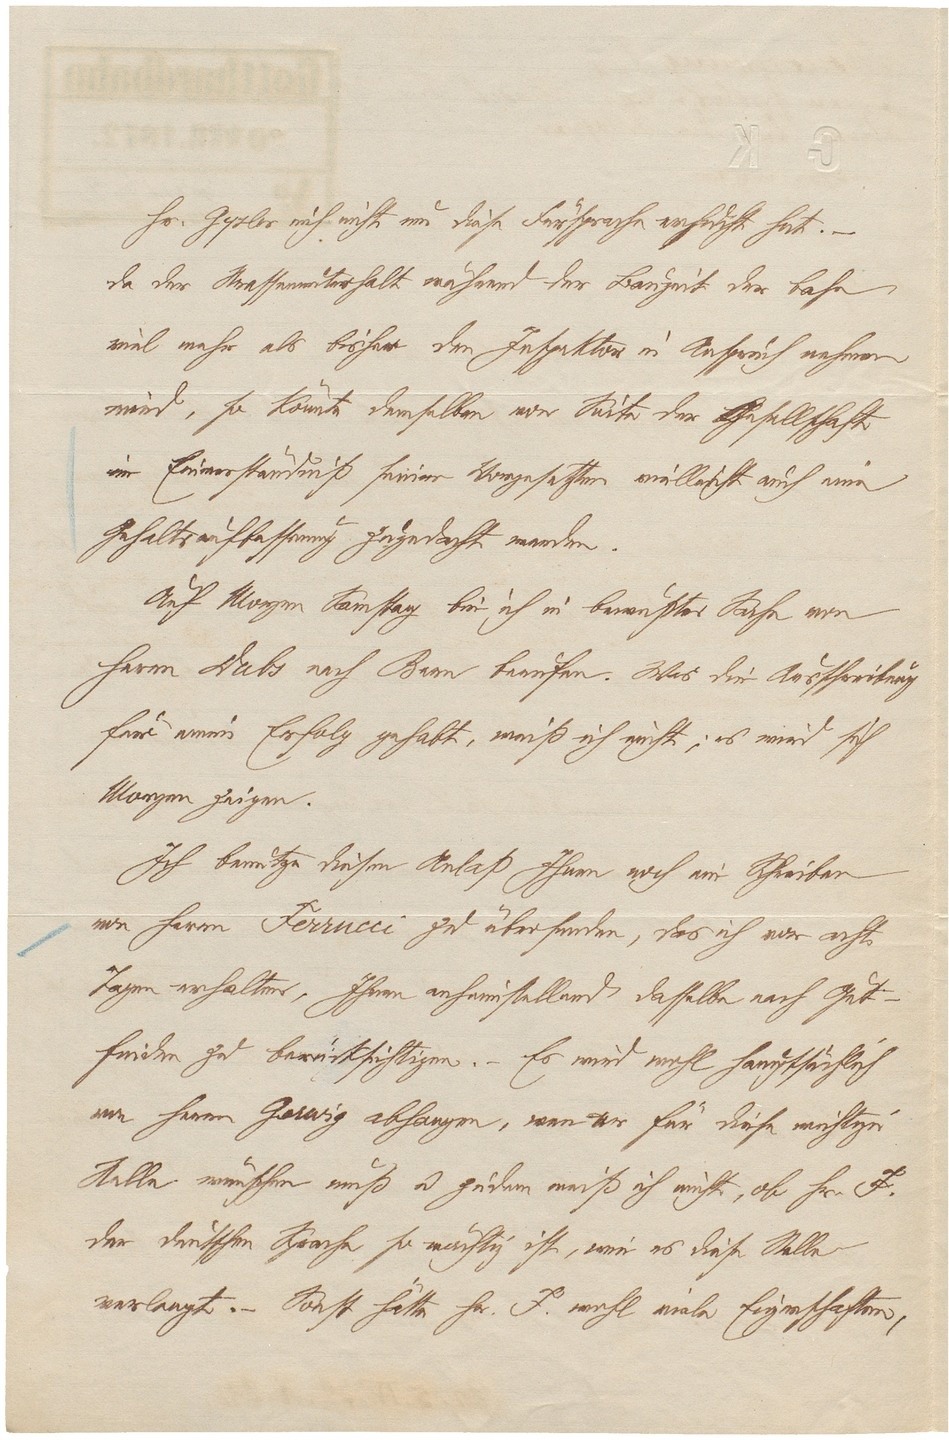Hr. Gysler mich nicht um diese Fürsprache ersucht hat. –
Da der Wasserunterhalt während der Bauzeit der Bahn
viel mehr als bisher den Inspektor in Anspruch nehmen
wird, so könnte demselben von Seite der Gesellschaft
im Einverständniß seiner Vorgesetzten vielleicht auch eine
Gehaltsaufbesserung zugesandt werden.
Auf Morgen Samstag bin ich in bewußter Sache von
Herrn Dubs nach Bern berufen. Was die Ausschreibung
für einen Erfolg gehabt, weiß ich nicht; es wird sich
Morgen zeigen.
Ich benutze diesen Anlaß Ihnen noch ein Schreiben
von Herrn Ferrucci zu übersenden, das ich vor acht
Tagen erhalten, Ihnen anheimstellend dasselbe nach Gut-
finden zu berücksichtigen. – Es wird wohl hauptsächlich
von Herrn Gerwig abhangen, wen er für diese wichtige
Stelle wünschen muß u zudem weiß ich nicht, ob Hr. F.
der deutschen Sprache so mächtig ist, wie es diese Stelle
verlangt. – Sonst hätte Hr. F. wohl viele Eigenschaften,